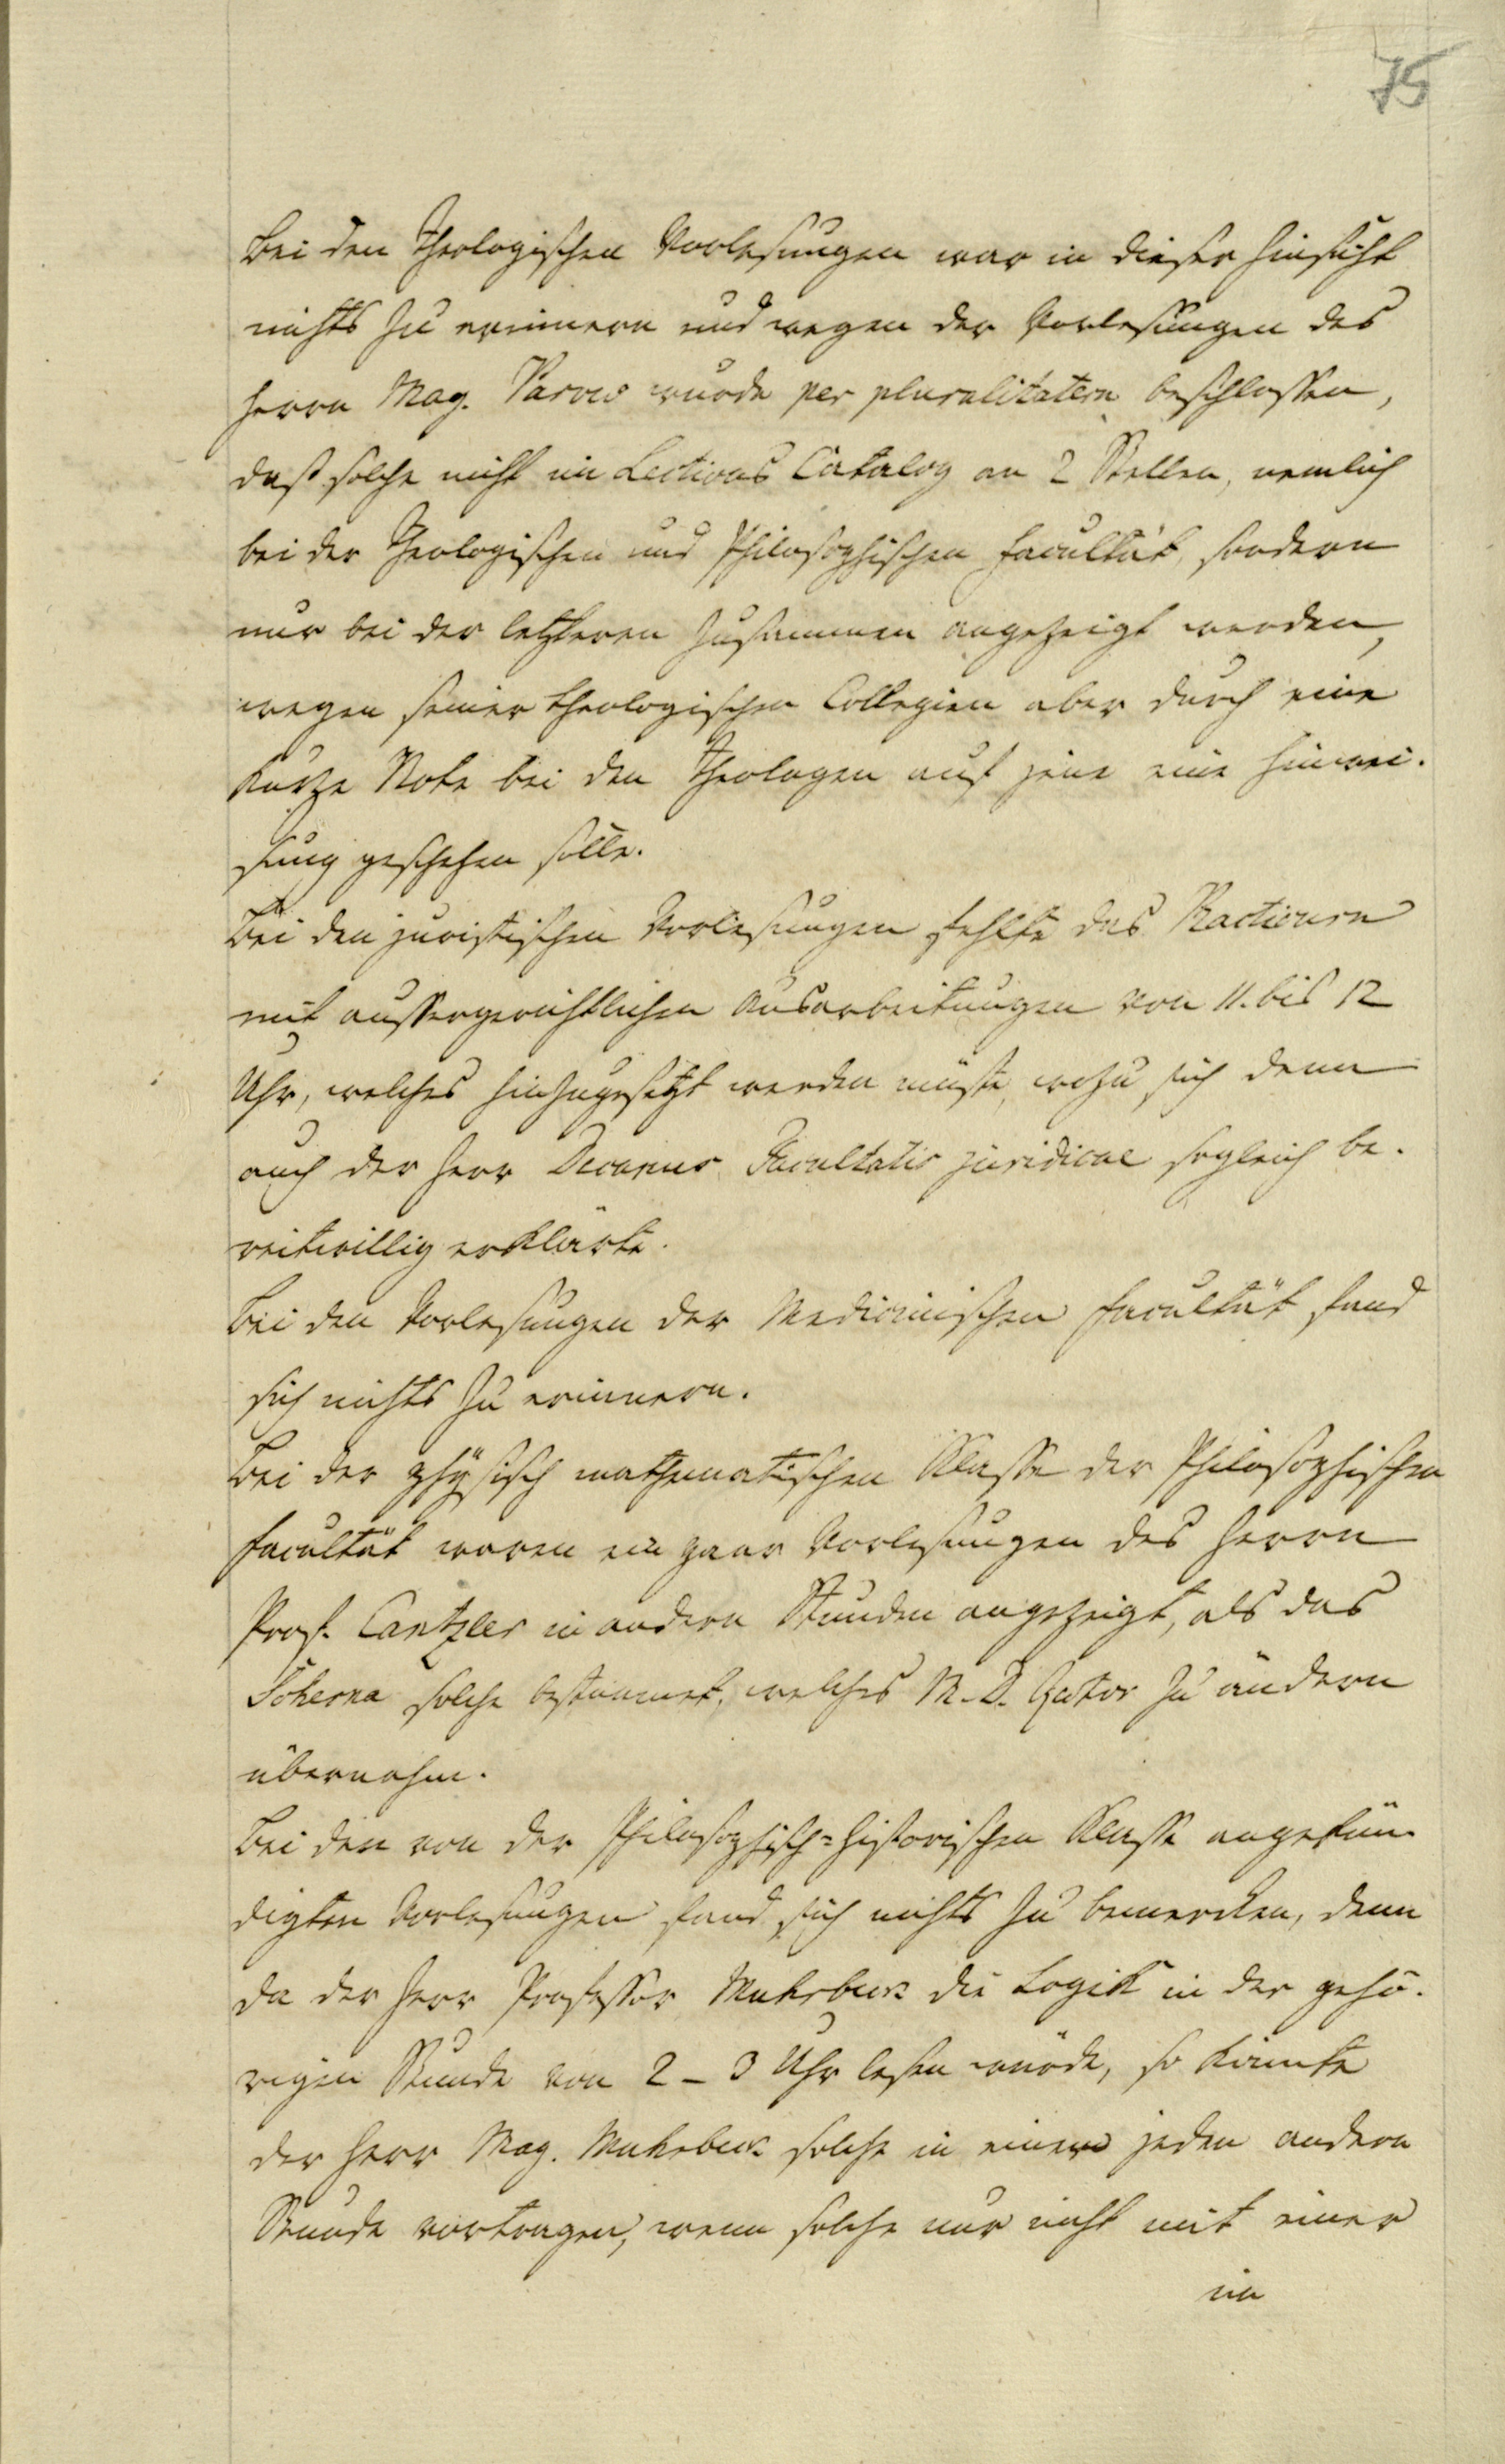Bei den Theologischen Vorlesungen war in dieser Hinsicht
nichts zu erinnern und wegen der Vorlesungen des
Herrn Mag. Parow wurde per pluralitatem beschlossen,
daß solche nicht in Lections Catalog an 2 Stellen, nemlich
bei der Theologischen und Philosophischen Facultät, sondern
nur bei der letzteren zusammen angezeiget werden,
wegen seiner theologischen Collegien aber durch eine
kurze Note bei den Theologen auf jene eine Hinwei¬
sung geschehen solle.
Bei den juristischen Vorlesungen fehlte des Practicum
mit aussergerichtlichen Ausarbeitungen von 11 bis 12
Uhr, welches hinzugesetzt werden müßte, wozu sich denn
auch der Herr Decanus Facultatis juridicae sogleich be¬
reitwillig erklärte.
Bei den Vorlesungen der Medicinischen Facultät fand
sich nichts zu erinnern.
Bei der physisch mathematischen Klasse der Philosophischen
Facultät wären ein paar Vorlesungen des Herrn
Prof. Cantzler in andern Stunden angezeigt, als das
Schema solche bestimmet, welches M. D. Rector zu ändern
übernahm.
Bei den von der Philosophisch historischen Klasse angekün¬
digten Vorlesungen fand sich nichts zu bemercken, denn
da der Herr Professor Muhrbeck die Logik in der gehö¬
rigen Stunde von 2-3 Uhr lesen würde, so könnte
der Herr Mag. Muhrbeck solche in einer jeden andern
Stunde vortragen, wenn solche nur nicht mit einer
im